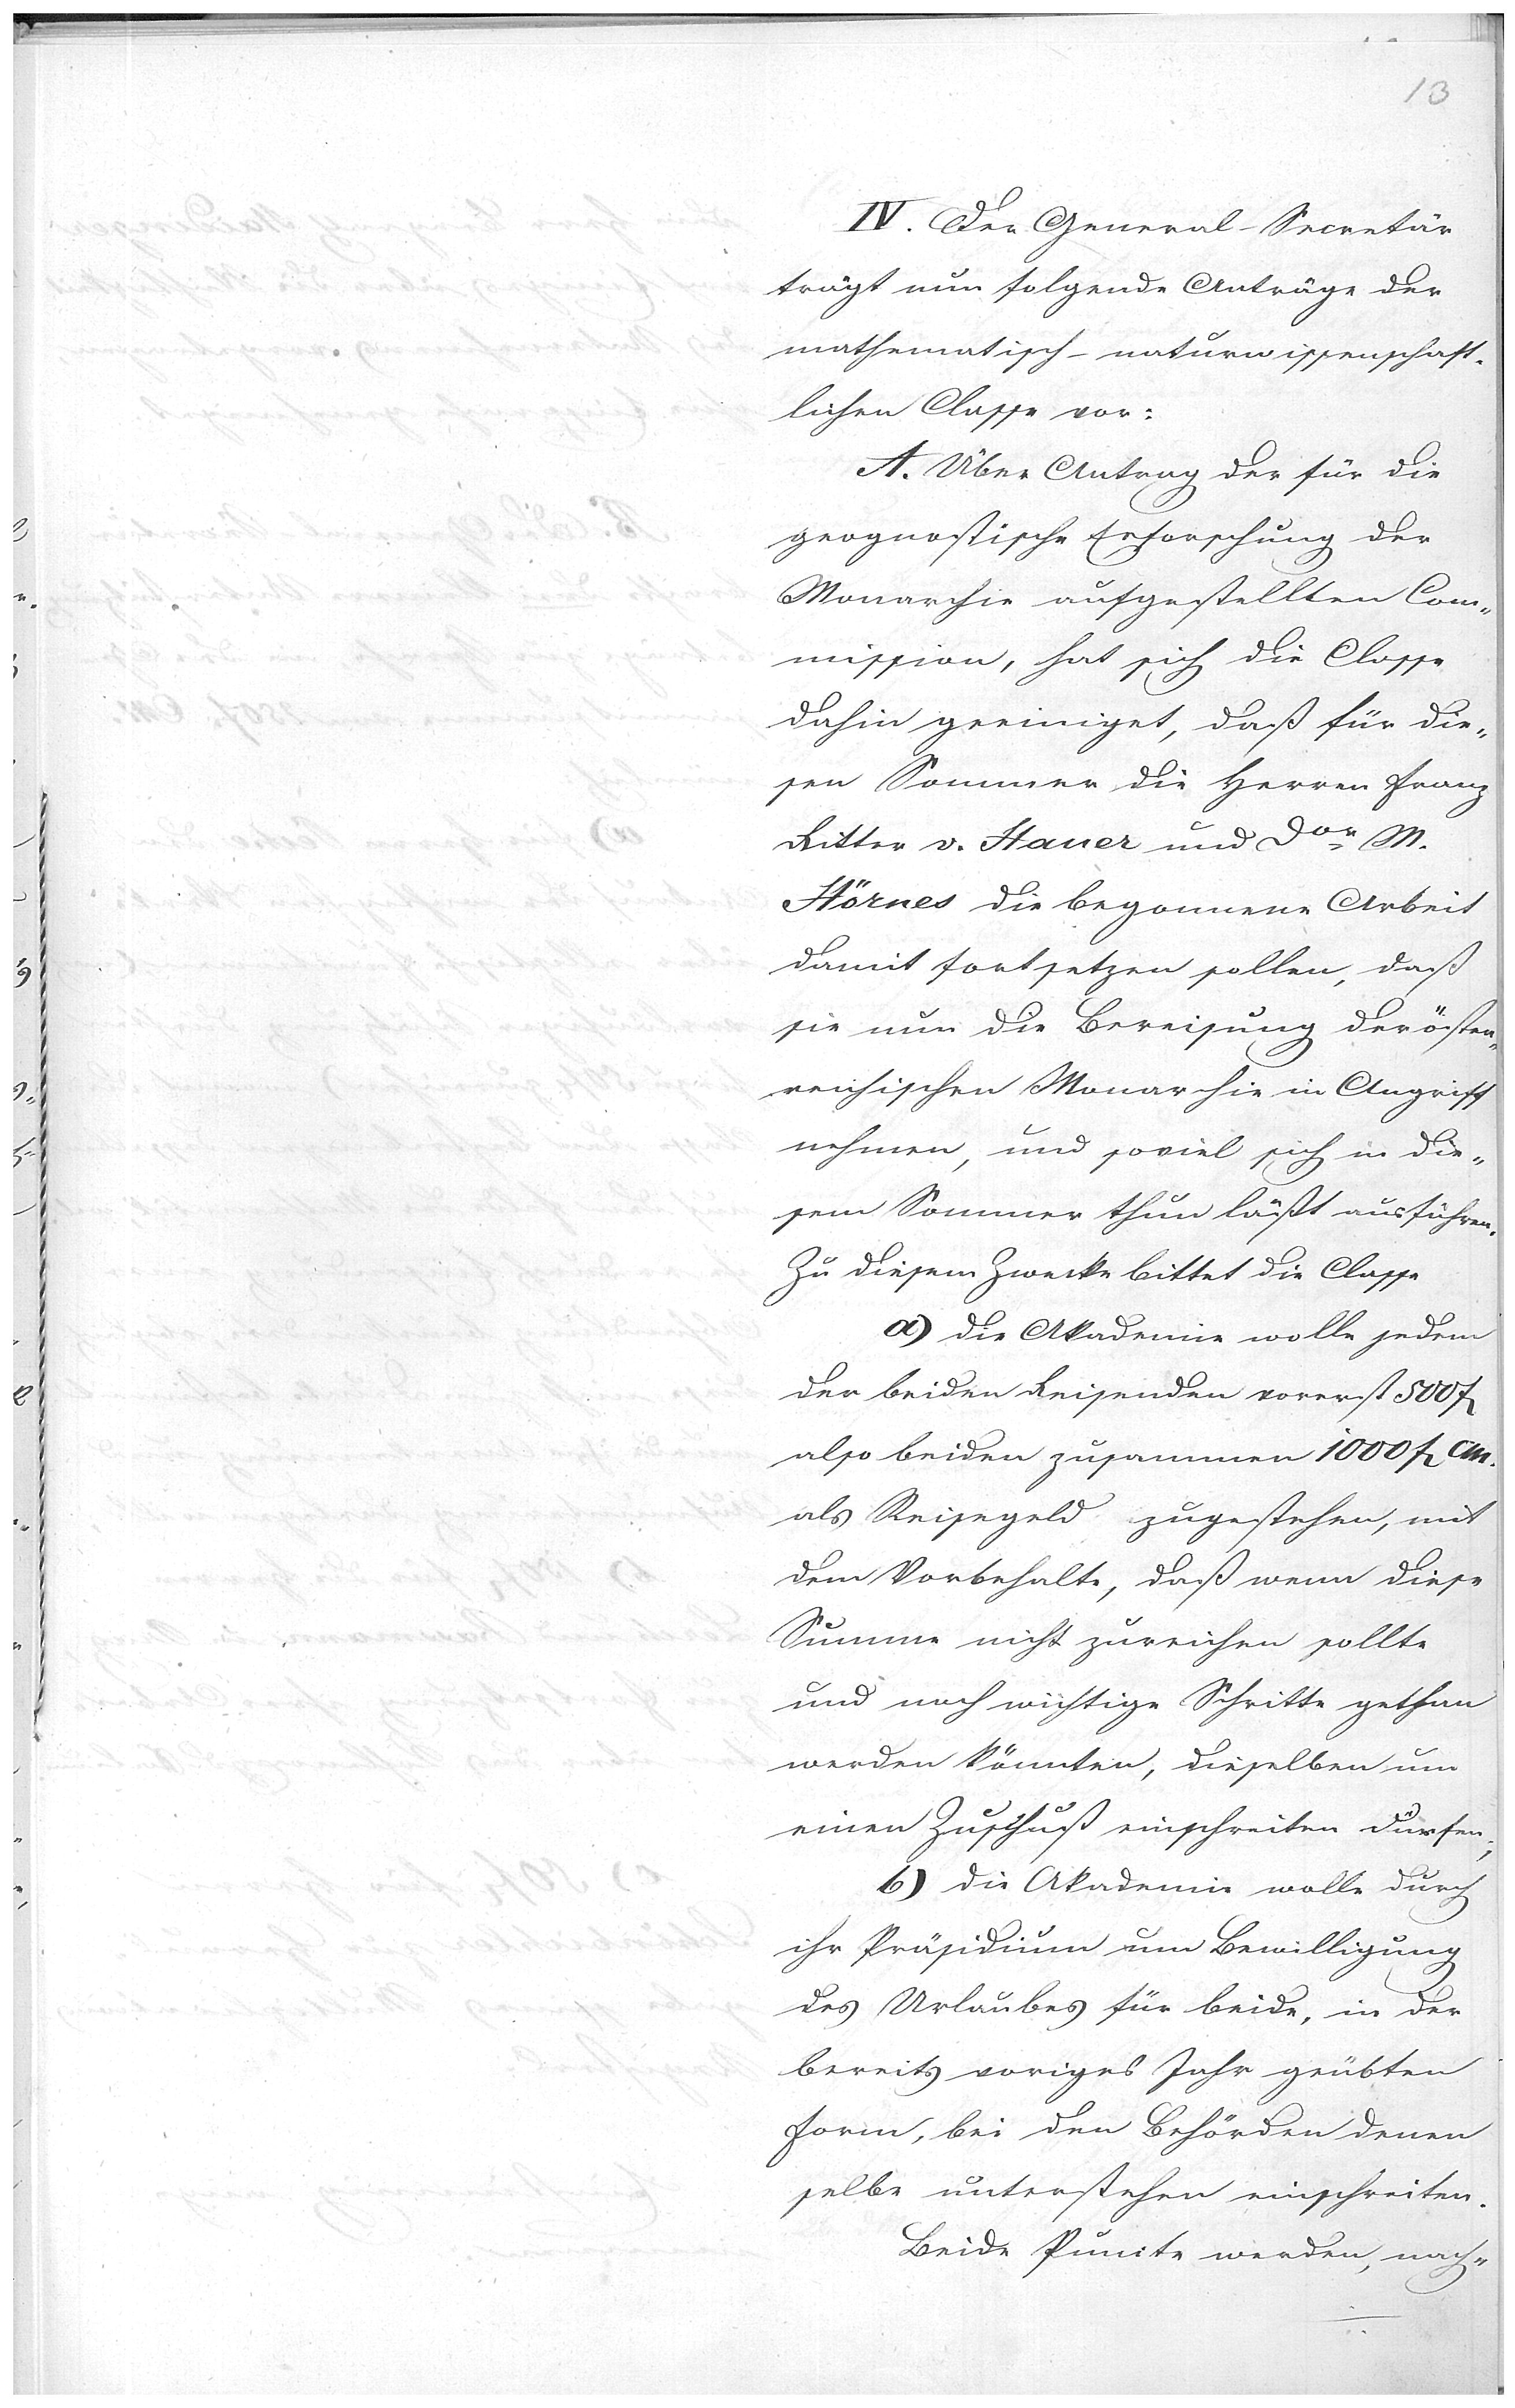IV. Der General-Secretär
trägt nun folgende Anträge der
mathematisch-naturwissenschaft-
lichen Classe vor:
A. Über Antrag der für die
geognostische Erforschung der
Monarchie aufgestelllen Com-
mission, hat sich die Classe
dahin geeiniget daß für die-
sen Sommer die Herren Franz
Ritter v. Hauer und Dor M.
Hörnes die begonnene Arbeit
damit fortsetzen sollen, daß
sie nun die Bereisung der öster-
reichischen Monarchie in Angrif
nehmen, und soviel sich in die-
sem Sommer thun läßt ausführen.
Zu diesen Zwecke bittet die Classe
a) die Akademie wolle jedem
der beiden Reisenden vorerst 500 fl
also beiden Zusammen 1000 fl CM
als Reisegeld zugestehen, mit
dem Vorbehalte, daß wenn diese
Summe nicht zureichen sollte
und noch wichtigen Schritte gethan
werden könnten, dieselben um
einen Zuschuß einschreiten dürfen;
b) die Akademie wolle durch
ihr Präsidium um Bewilligung
des Urlaubes für beide, in der
bereits voriges Jahr geübten
Form, bei den Behörden denen
selbe unterstehen einschreiten.
Beide Puncte werden, nach-